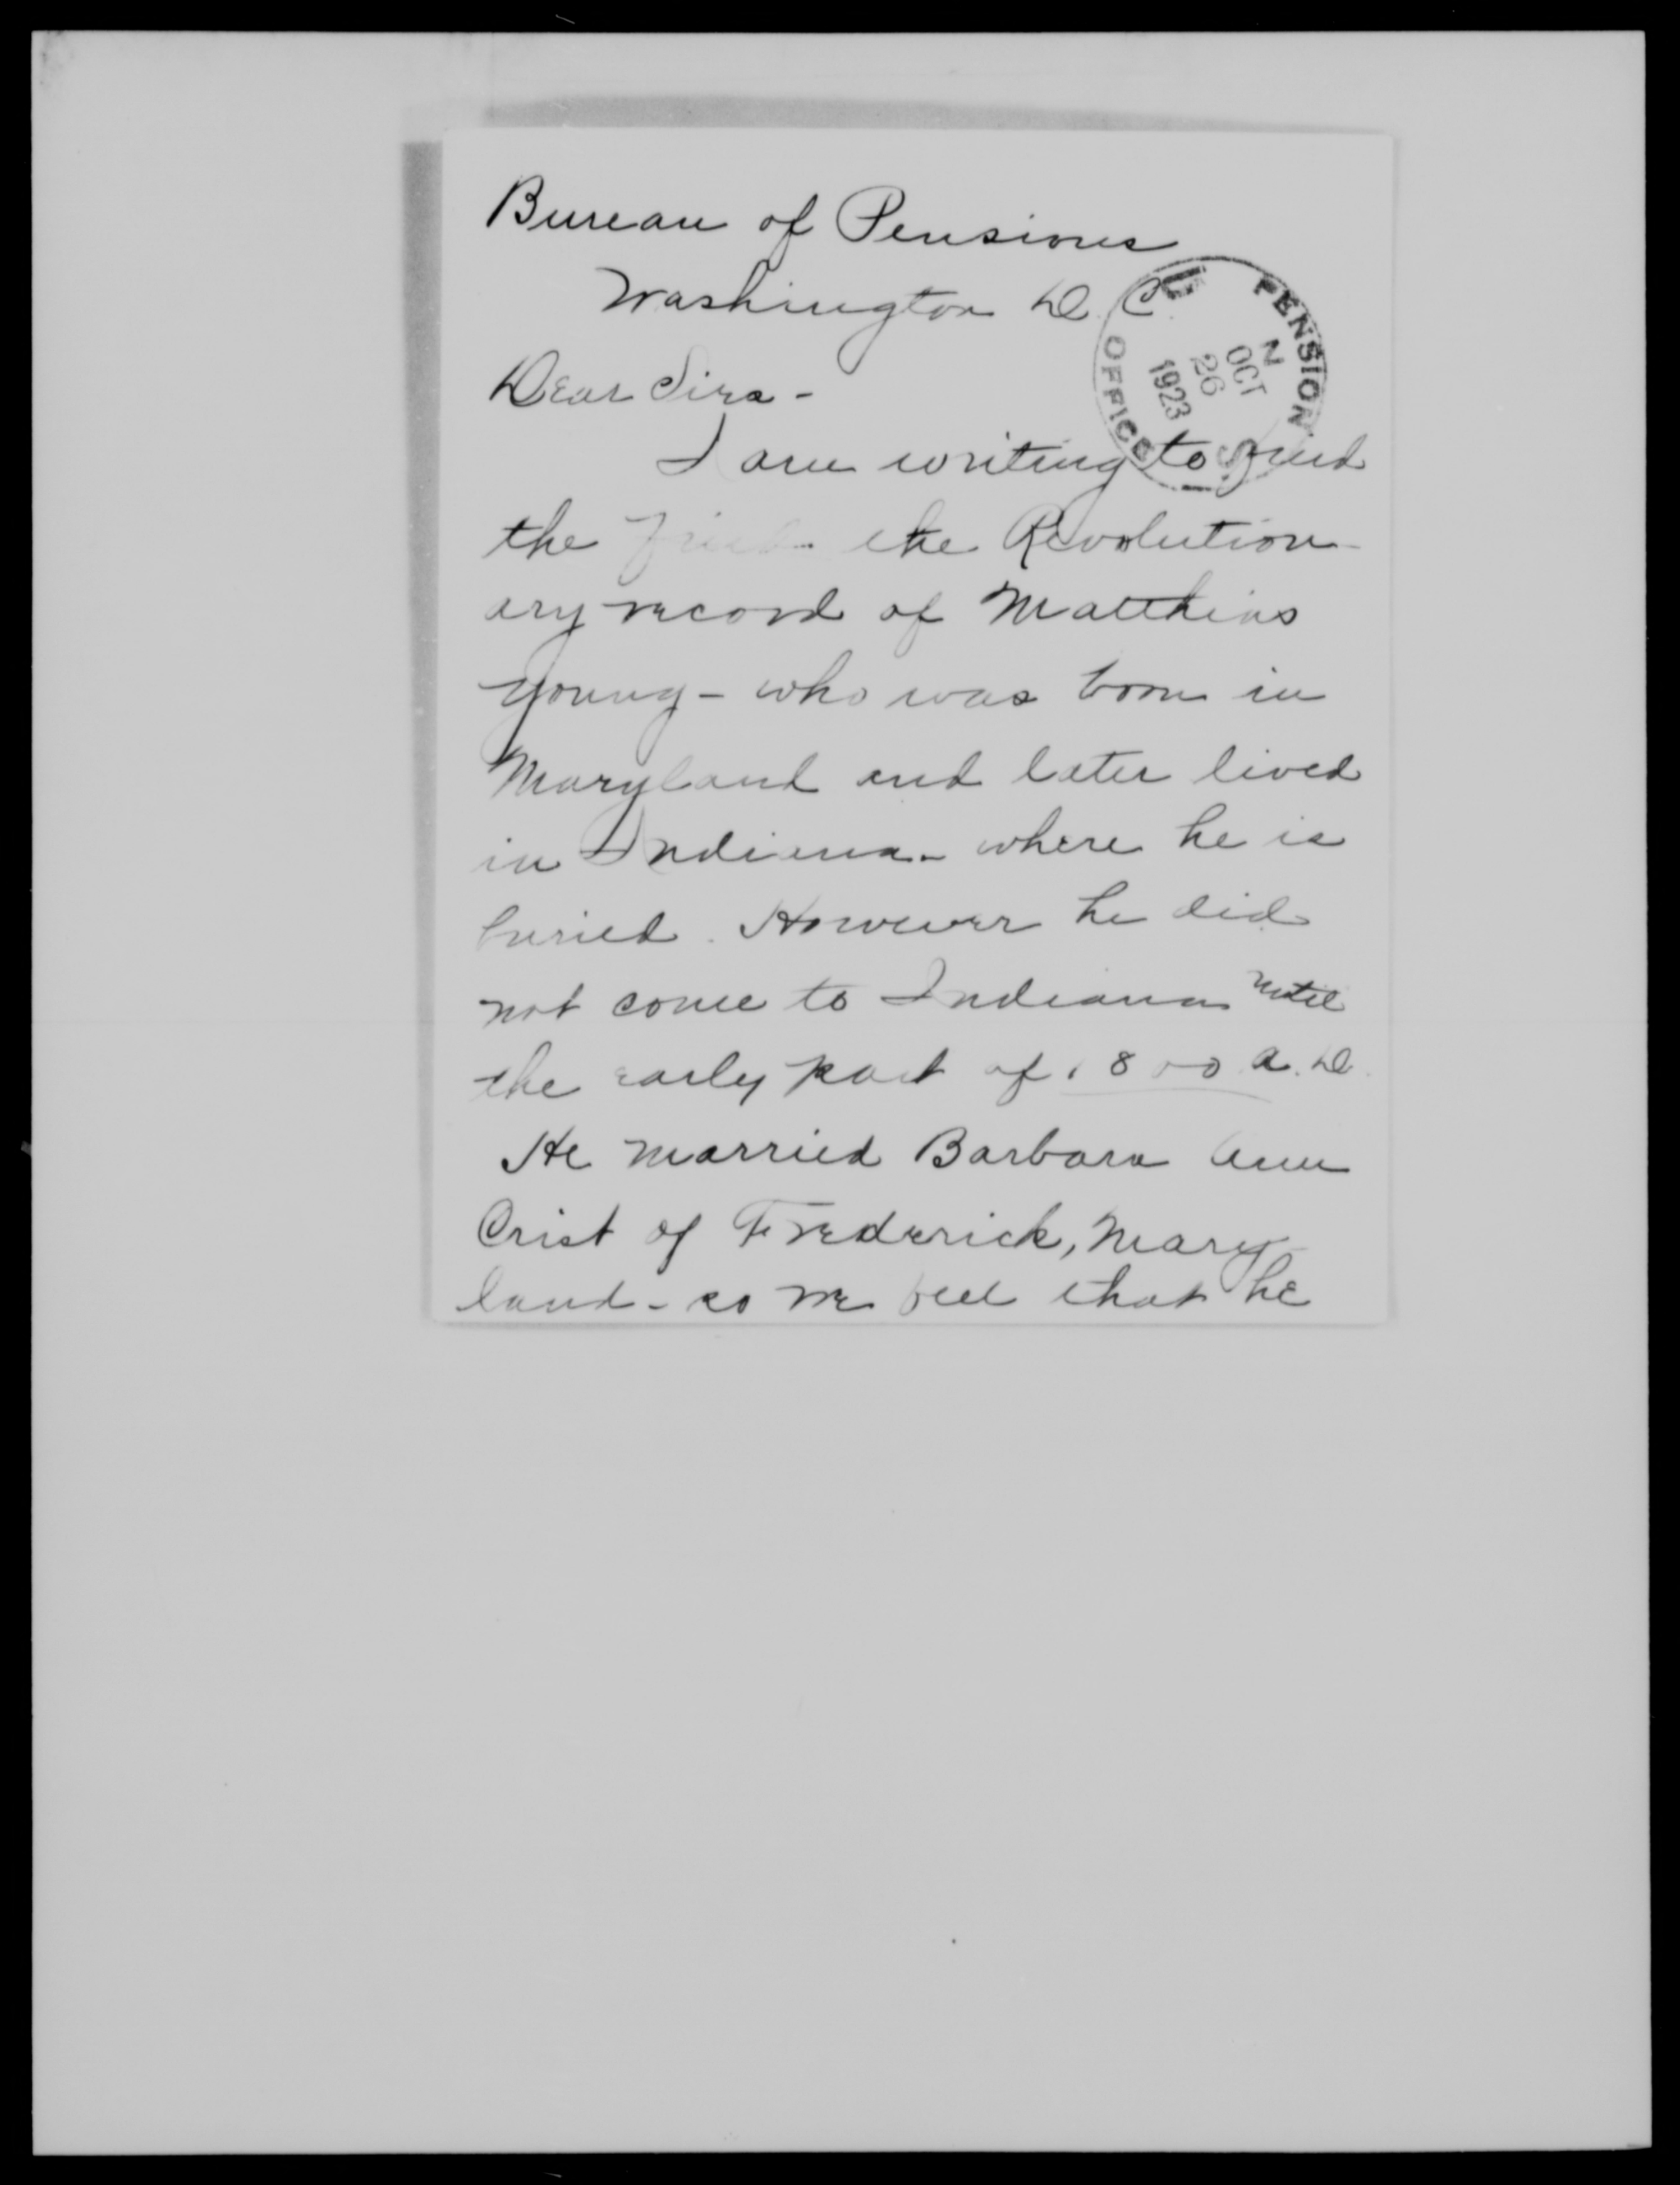Bureau of Pensions
Washington DC

[circle stamp]
PENSION OFFICE U S
OCT 26 1923

Dear Sir
I am writing to find
the the Revolutionary record of Matthias
Young who was born in
Maryland and later lived in
Indiana where he is
buried. However he did
not come to Indiana until
the early part of 1820 A.D
He married Barbara Ann
Crist of Frederick, Maryland - so we feel that he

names: Matthias Young, Barbara Ann Crist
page: 66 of 123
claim: rejected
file: R. 11,949, Matthias Young, Md.